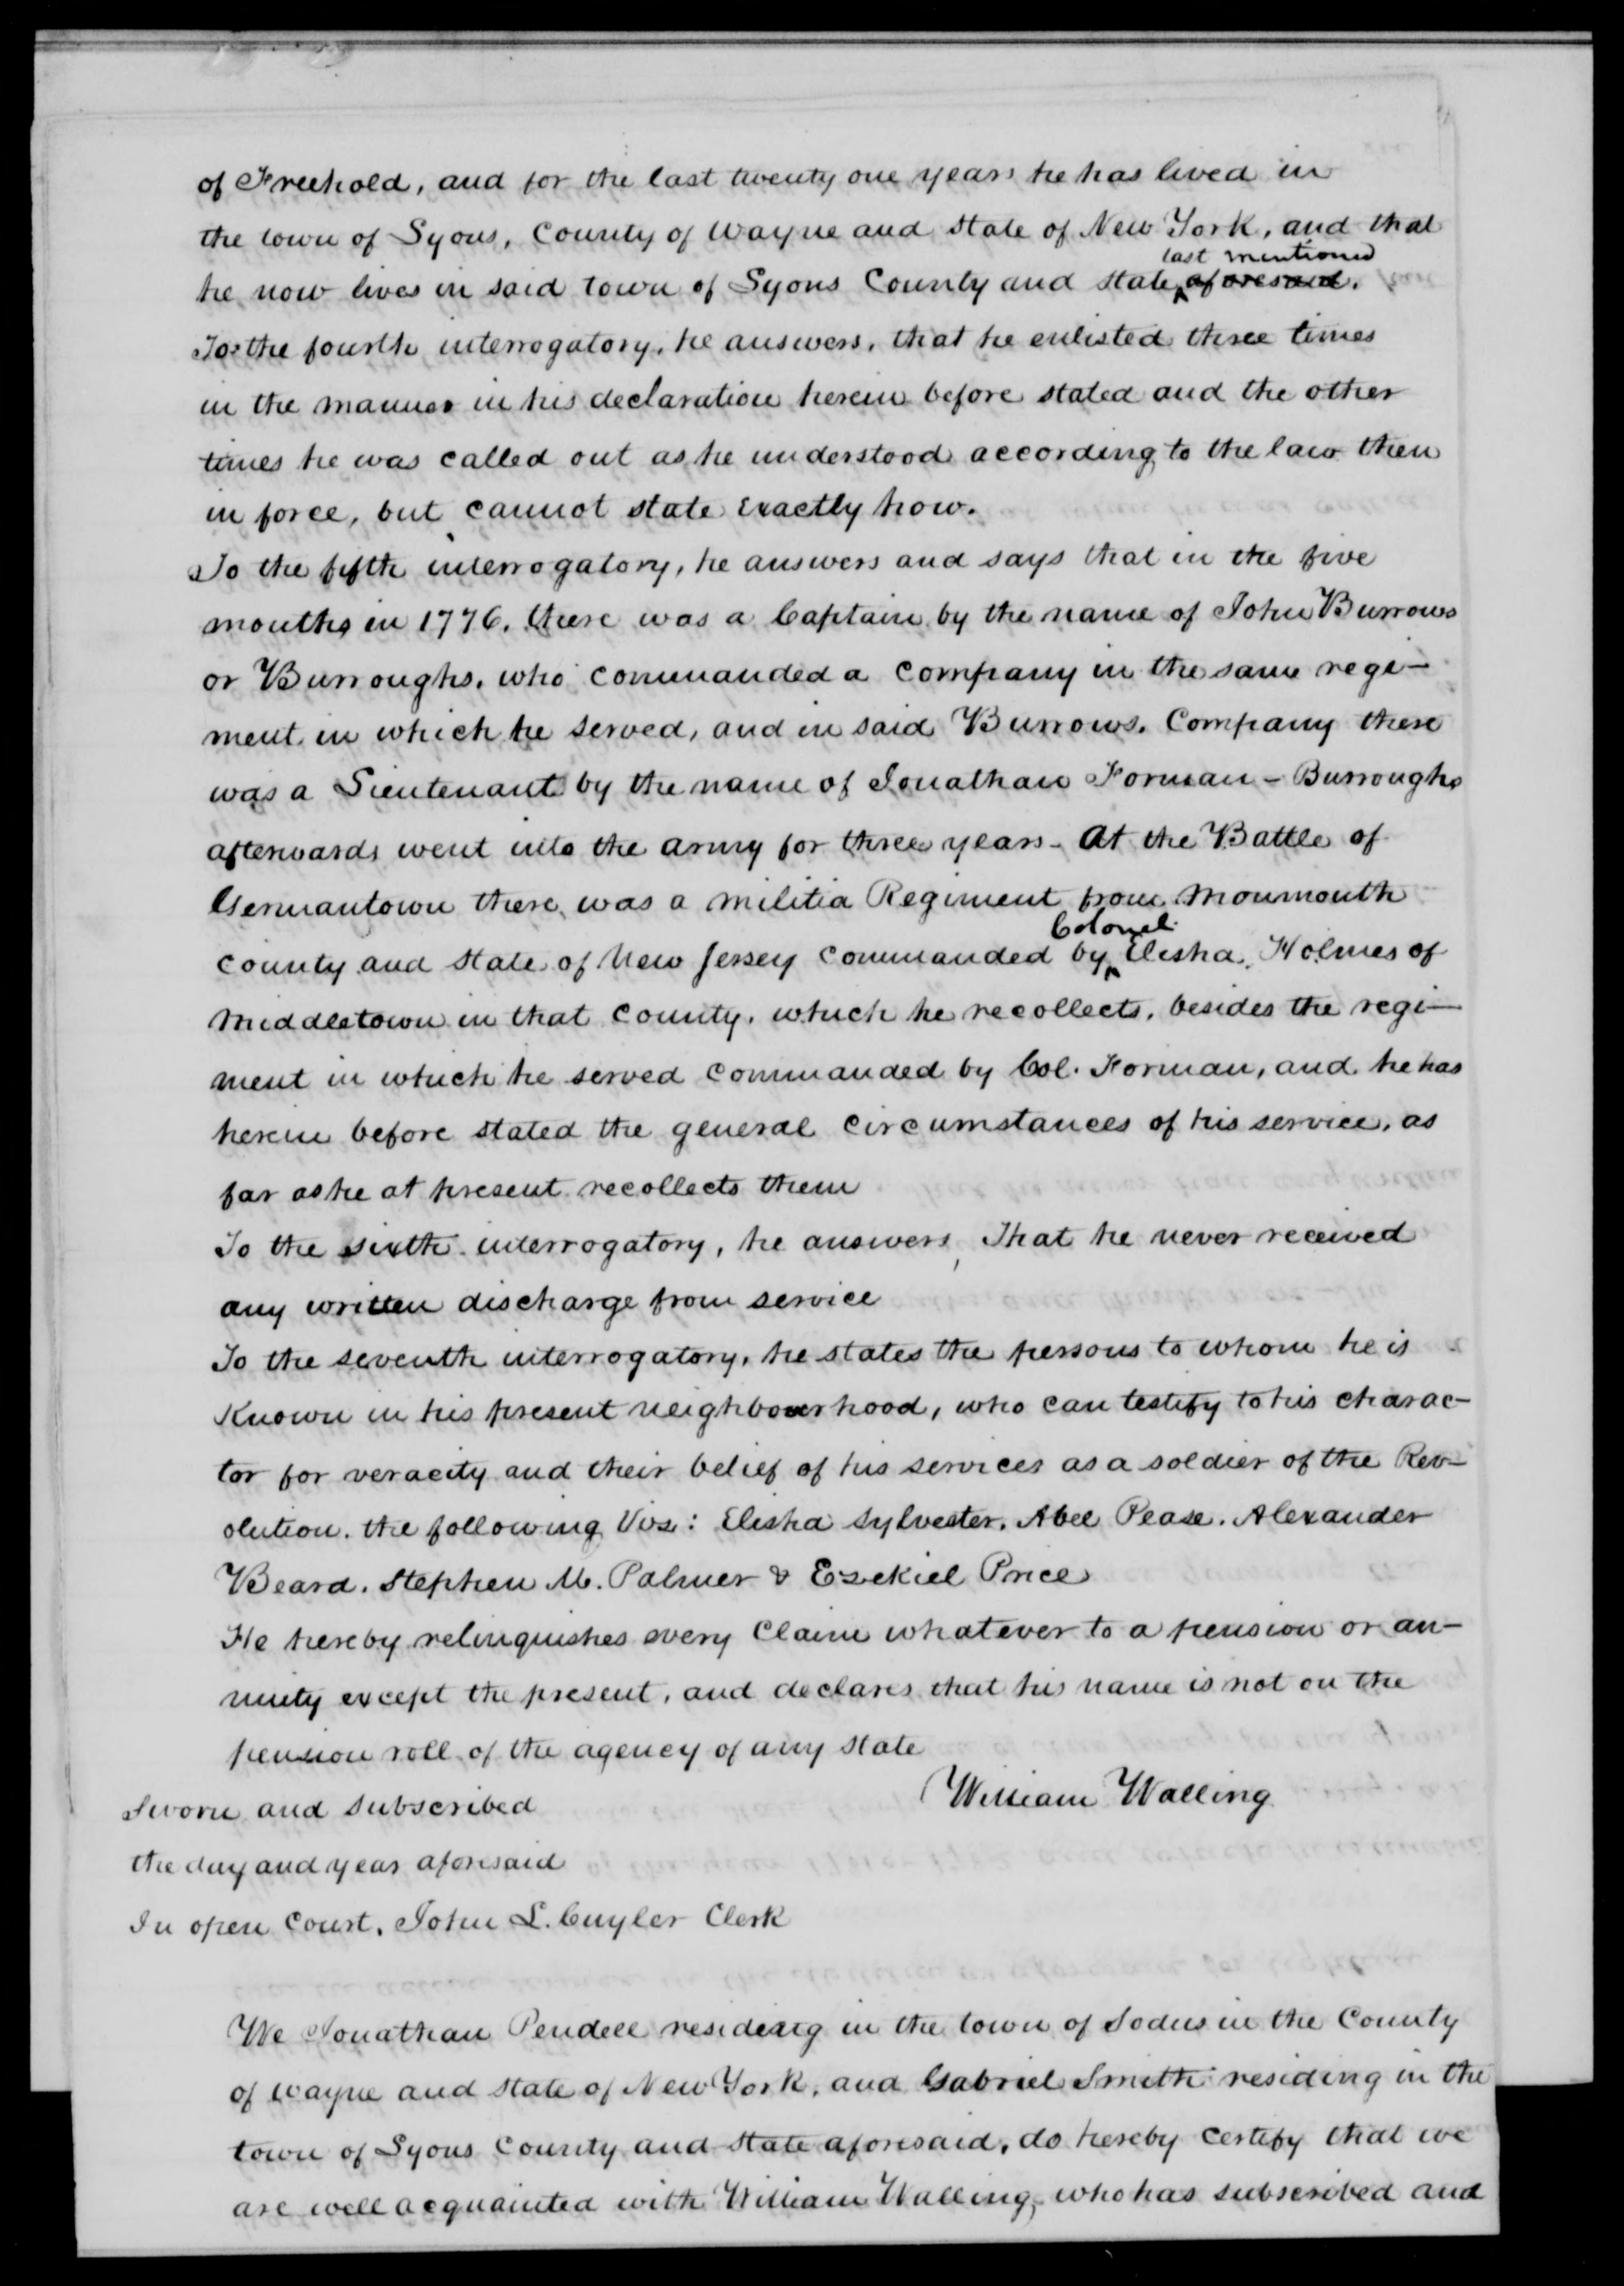of Freehold, and for the last twenty one years he has lived in
the town of Lyons, County of Wayne and State of New York, and that
he now lives in said town of Lyons County and State [insertion] last mentioned [/insertion] [struck out] aforesaid [/struck out]
To the fourth interrogatory, he answers, that he enlisted three times
in the manner in his declaration herein before stated and the other
times he was called out as he understood according to the law then
in fore, but cannot state exactly how.
To the fifth interrogatory, he answers and says that in the five
months in 1776, there was a Captain by the name of John Burrows
or Burroughs, who commanded a Company in the same regi-
ment in which he served, and in said Burrows Company there
was a Lieutenant by the name of Jonathan Forman. Burroughs
afterwards went into the army for three years. At the Battle of
Germantown there was a Militia Regiment from Monmouth
County and Hale of New Jersey commanded by [insertion] Colonel [/insertion] Elisha Holmes of
Middletown in that County, which he recollects, beside the regi-
ment in which he served commanded by Col. Forman, and he was
herein before stated the general circumstances of his services, as 
far as he at present recollects them
To the sixth interrogatory, he answers, that he never received
any written discharge from service
To the seventh interrogatory, he states the persons to whom he is
known in his present neighbourhood, who can testify to his charac-
ter for veracity and their belief of his services as a soldier of the Rev-
olution the following Viz: Elisha Sylvester, Abel Peas, Alexander
Beard, Stephen M. Palmer & Ezekiel Price
He hereby relinquishes every Claim whatever to a pension or an-
nuity except the present, and declares that his name is not on the
pension roll of the agency of any state.
Sworn and subscribed
the day and year aforesaid
In open Court, John L Cuyler Clerk
William Walling [signature]

We Jonathan Pendell residing in the town of Sodus in the County
of Wayne and state of New York, and Gabriel Smith residing in the 
town of Lyons County and state aforesaid, do hereby certify that we 
are well acquainted with William Walling, who has subscribed and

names: Jonathan Forman, William Walling, John Burroughs, Jonathan Burroughs, Stephen M Palmer, Alexander Beard, Jonathan Pendell, Gabriel Smith, John Burrows, Elisha Sylvester, William Walling, Ezekiel Price, Elisha Holmes, John L Cuyler, Abel Pease, Forman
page: 42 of 66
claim: widow's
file: W. 19588, William Walling, New Jersey